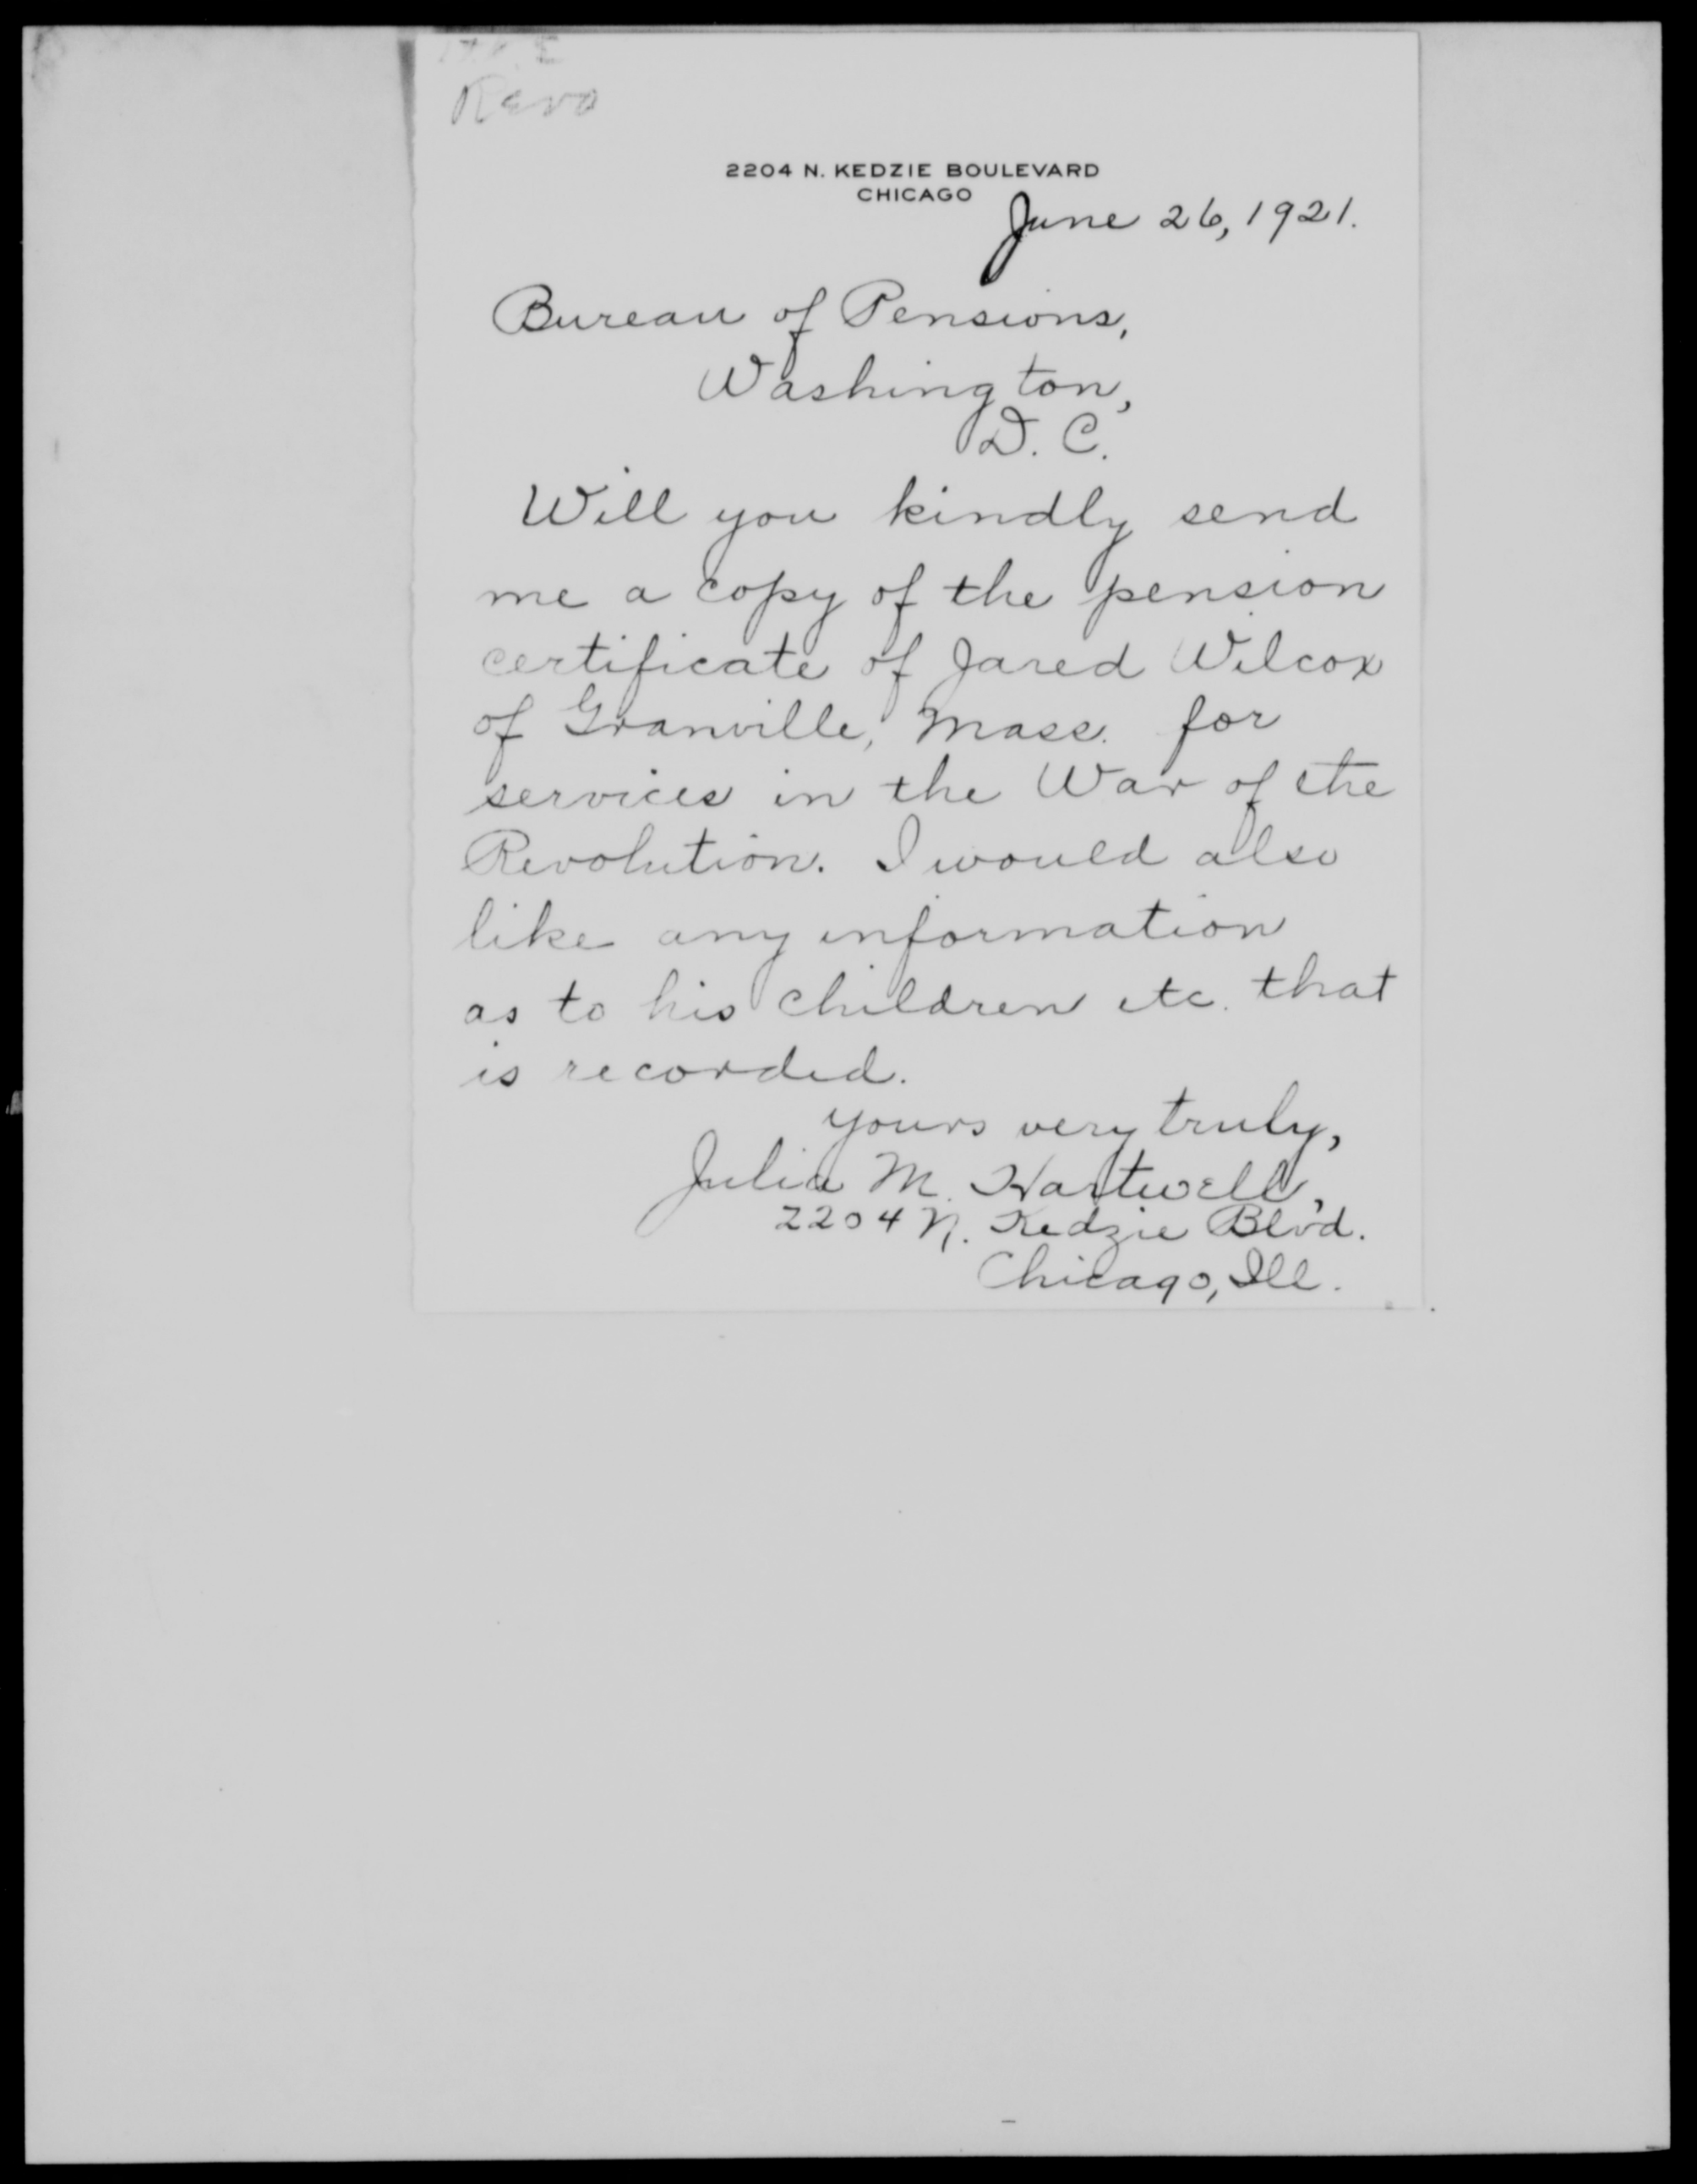(illegible)
Revo.

2204 N. KEDZIE BOULEVARD
CHICAGO

June 26, 1921.

Bureau of Pensions,
Washington,
D.C.

Will you kindly send
me a copy of the pension
certificate of Jared Wilcox
of Granville, Mass. for
services in the War of the
Revolution. I would also
like any information
as to his children etc. that
is recorded.

Yours very truly
Julia M. Hartwell (signed)
2204 N. Kedzie Blvd.
Chicago, Ill.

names: Jared Wilcox, Julia M Hartwell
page: 15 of 34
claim: survivor's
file: S. 41337, Jared Wilcox, Continental Mass.